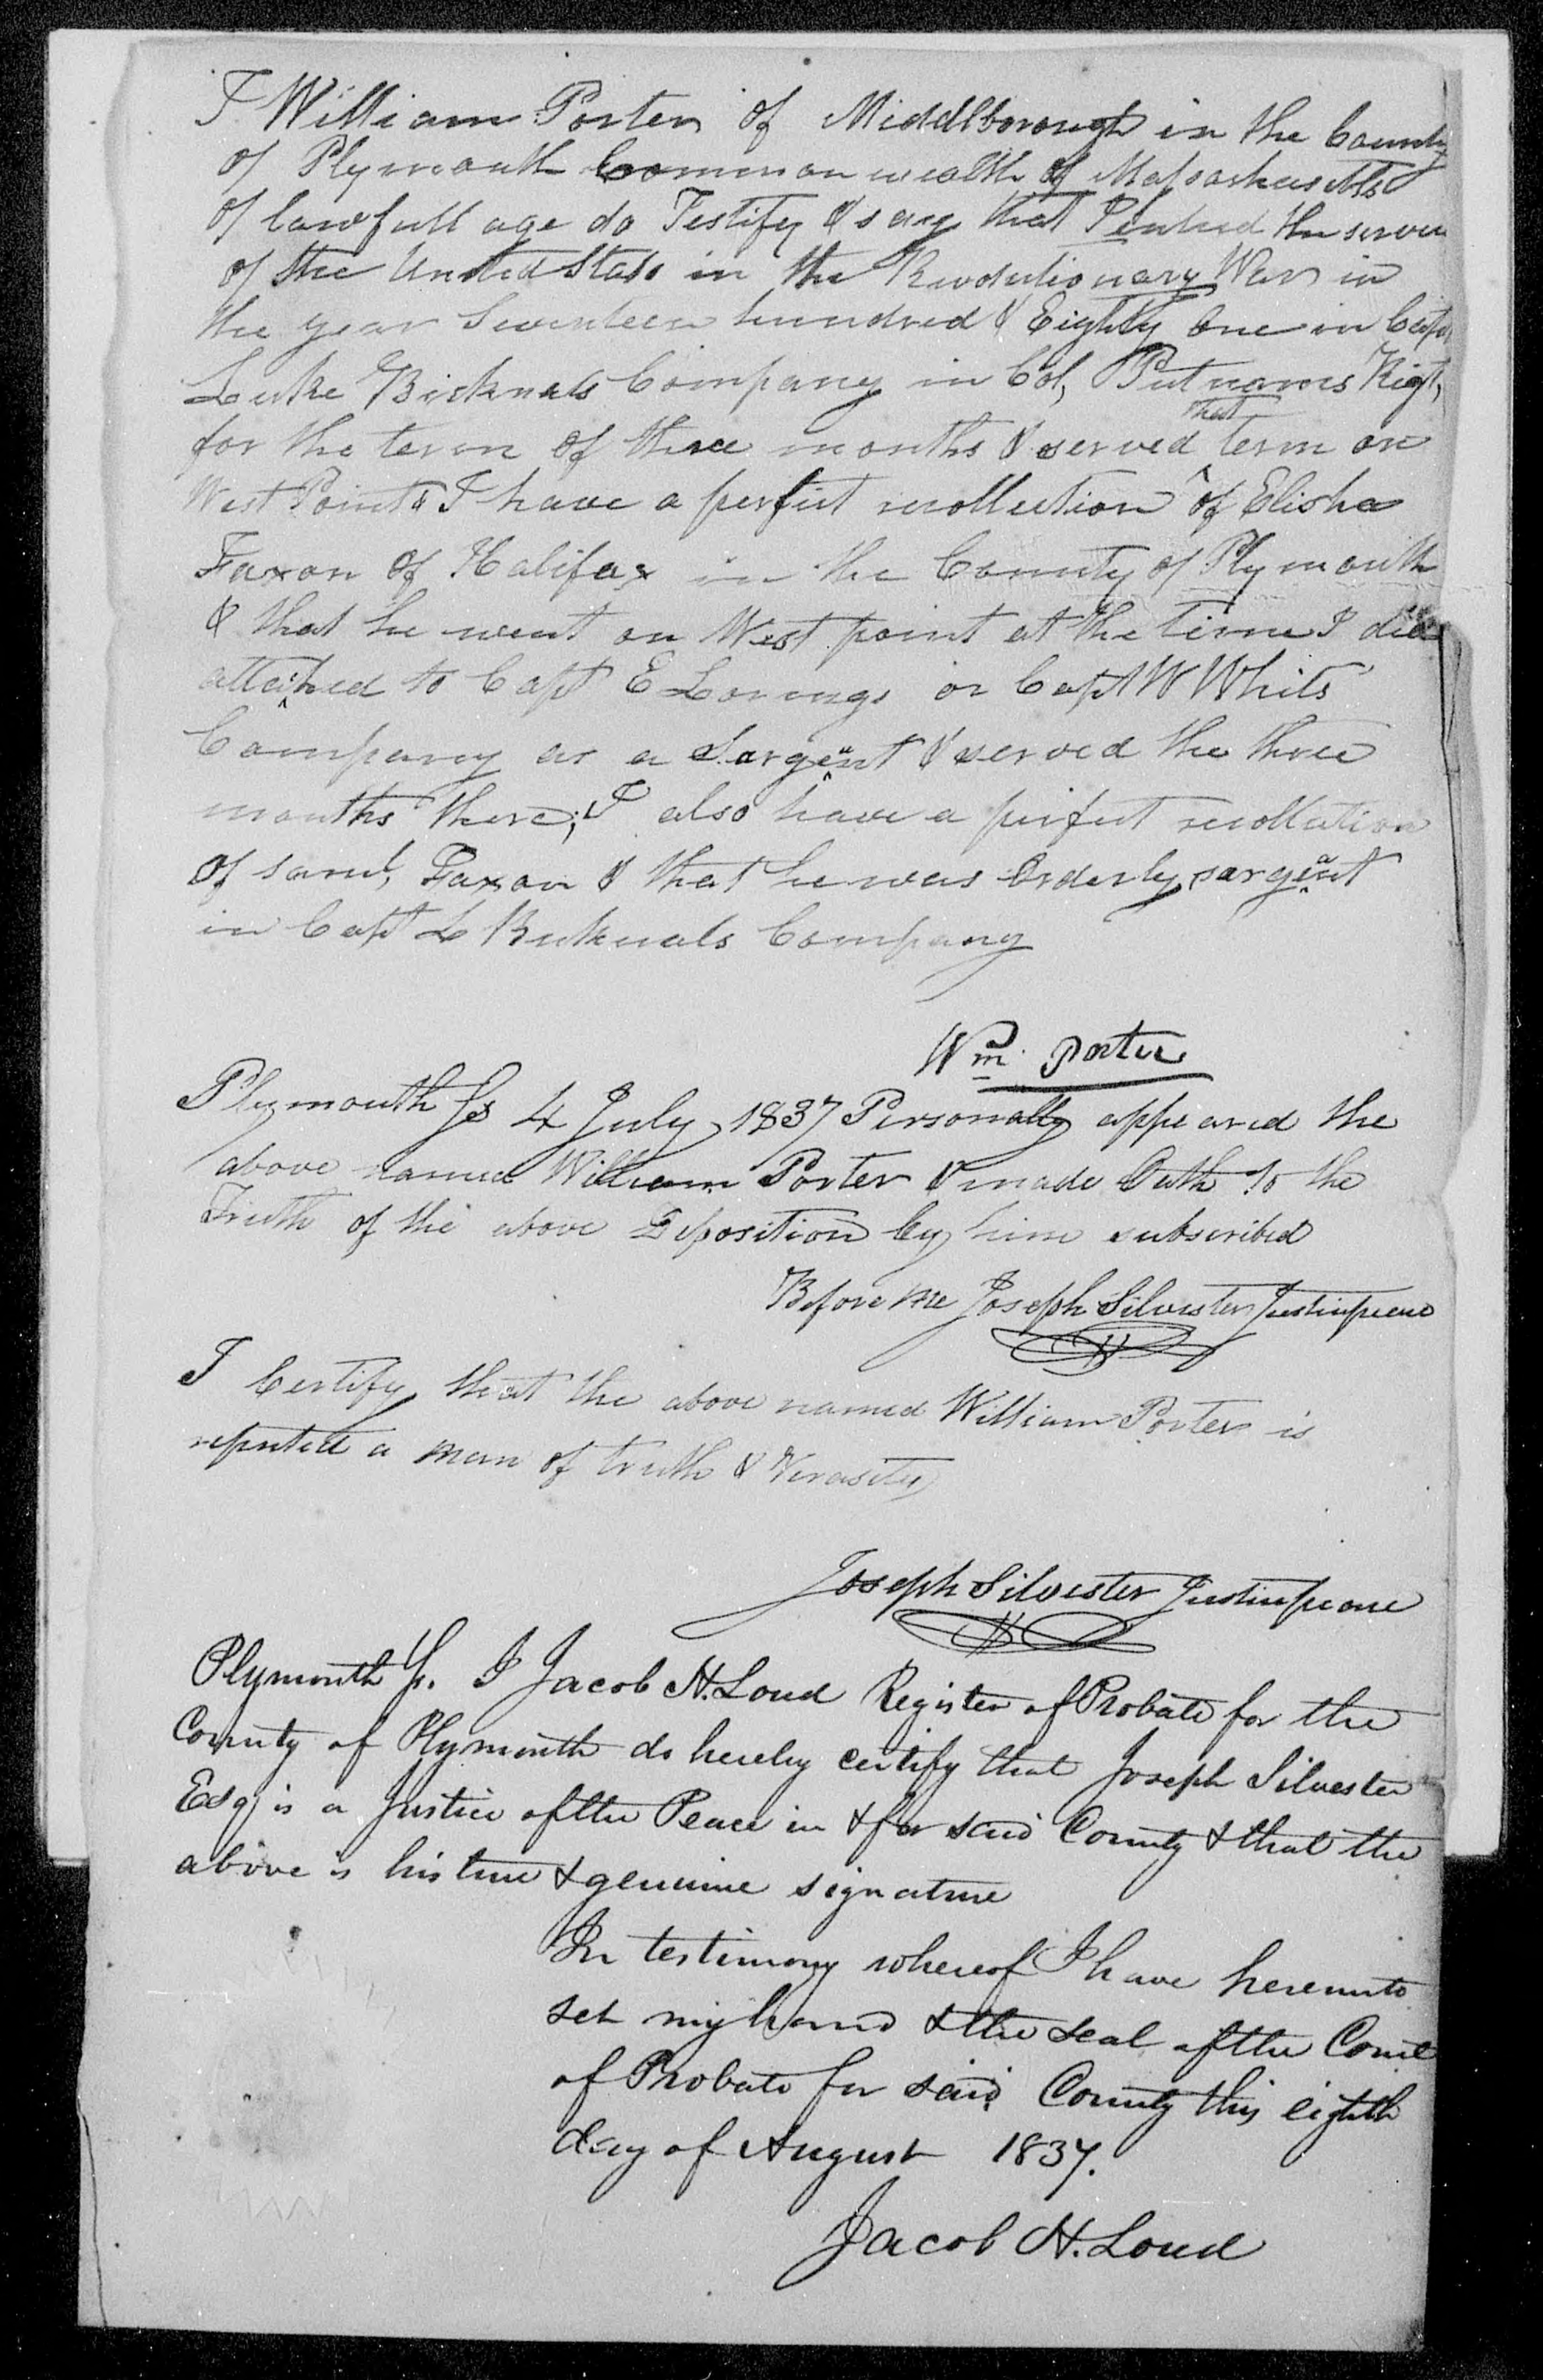I William Porter of Middleborough in the County of Plymouth Commonwealth of Massachusetts of lawfull age do Testify & say that I entered the service of the United States in the Revolutionary War in the year Seventeen hundred & eighty one in Capt Luke Bishnels Company in Col, Putnams Regt, for the term of three months & served that term on West Point & I have a perfect recollection of Elisha Faxon of Halifax in the County of Plymouth & that he went on West point at the time & did [?] attached to Capt E Lovings or Capt W Whites Company as a Sargeant & served the three months there, I also have a perfect recollection of Saml, Faxon & that he was Orderly sargeant in Capt L Bishnels Company
Wm Port
Plymouth Ss 4 July 1837 Personally appeared the above named William Porter & made Oath to the Truth of the above Deposition by him subscribed
Before me Joseph Silvester Justice Peace

I certify that the above named William Porter is reputed a man of Truth & Veracity
Joseph Silvester Justice Peace

Plymouth Ss. I Jacob H. Loud Register of Probate for the County of Plymouth do hereby certify that Joseph Silvester Esq is a Justice of the Peace in & for said County & that the above is his true & genuine signature
In testimony whereof I have hereunto set my hand & the seal of the Court of Probate for said County this eighth day of August 1837.
Jacob H. Loud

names: Saml Faxon, Joseph Silvester, Elisha Faxon, Joseph Silvester, Joseph Silvester, William Porter, William Porter, Jacob H Loud, Jacob H Loud, Wm Porter, William Porter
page: 20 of 47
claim: widow's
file: W. 14703, Elisha Faxon, Mass